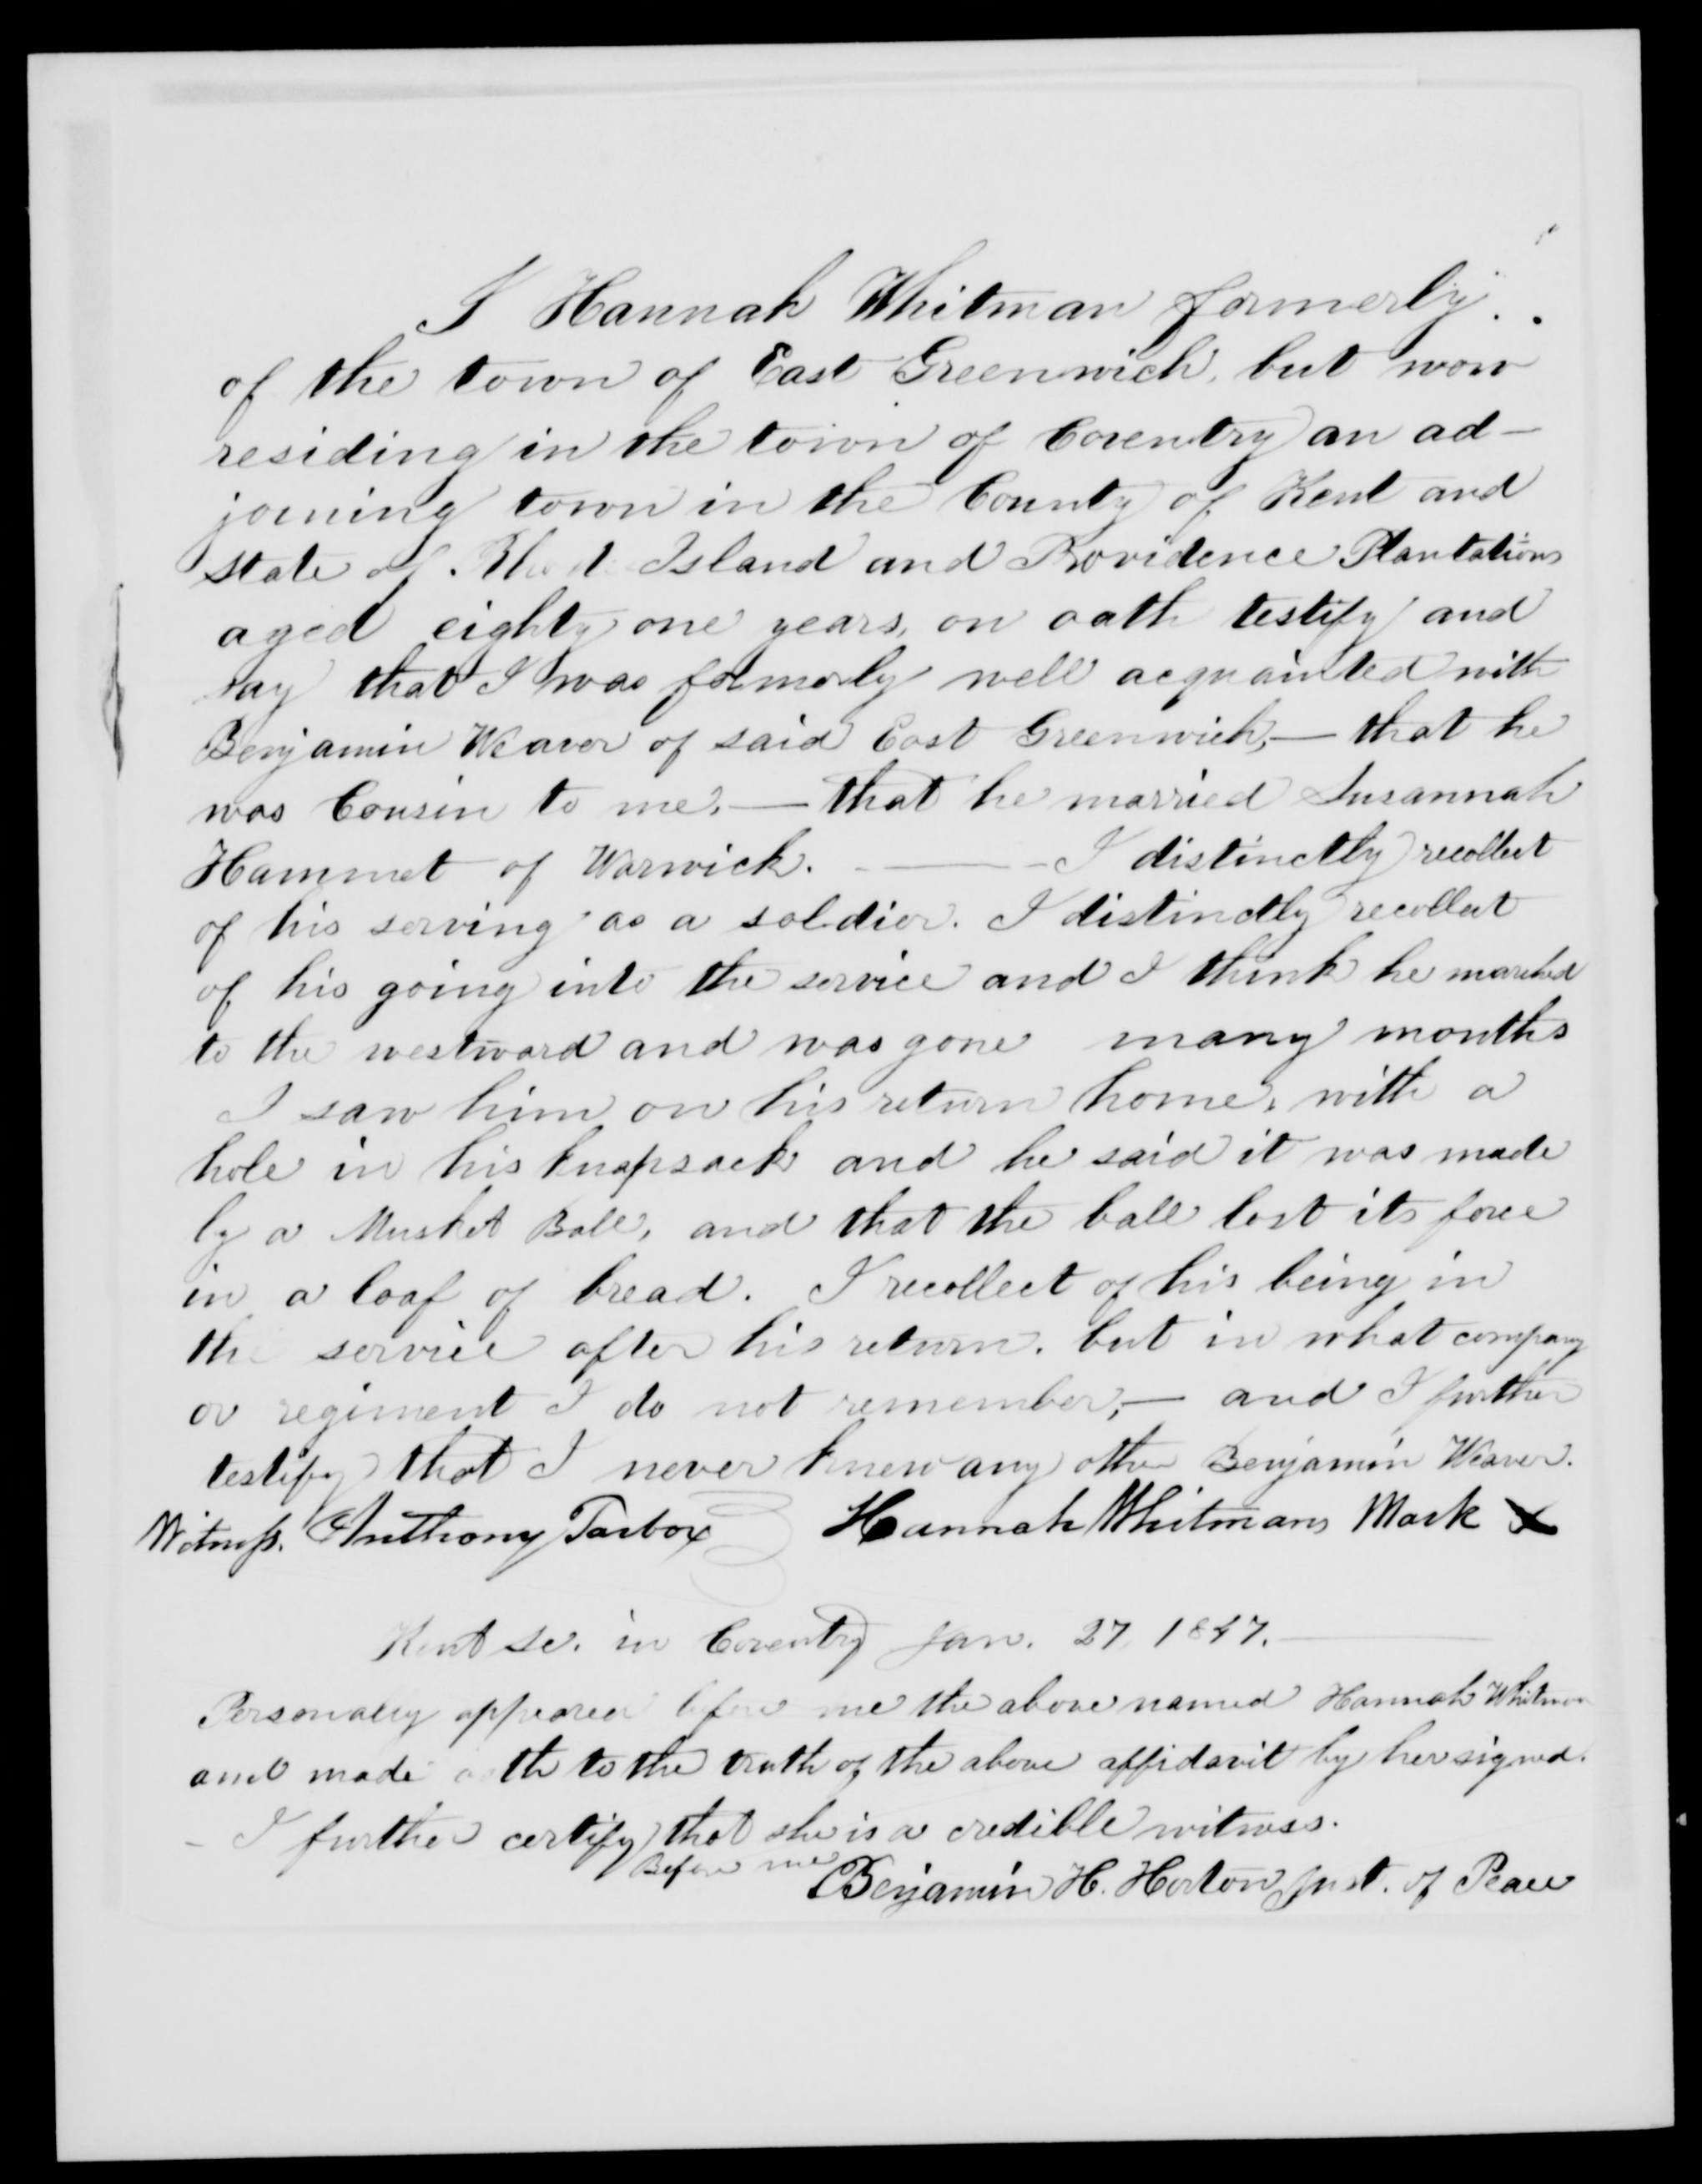I Hannah Whitman formerly of the town of East Greenwich, but now residing in the town of Coventry an adjoining town in the County of Kent and State of Rhode Island and Providence Plantations aged eighty one years, on oath testify and say that I was formerly well acquainted with Benjamin Weaver of said East Greenwich — that he cousin to me, that he married Susannah Hammet of Warwick. I distinctly recollect of his serving as a soldier. I distinctly recollect of his going into the service and I think he marched to the westward and was gone many months.
I saw him on his return home with a hole in his knapsack and he said it was made by a musket ball, and that the ball lost its force in a loaf of bread. I recollect of his being in the service after his return, but in what company or regiment I do not remember,- and I further testify that I never knew any other Benjamin Weaver. 
Witness Anthony Tarbox
Hannah Whitmans Mark X

Kent Sc. In Coventry Jan. 27, 1847.
Personally appeared before me the above named Hannah Whitman and made oath to the truth of the above affidavit by her signed.
I further certify that she is a credible witness.
Before me Benjamin H. Horton Just. of Peace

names: Susannah Hammet, Anthony Tarbox, Benjamin Weaver, Benjamin H Horton, Hannah Whitman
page: 42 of 53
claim: widow's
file: W 17707, Benjamin Weaver, R.I.